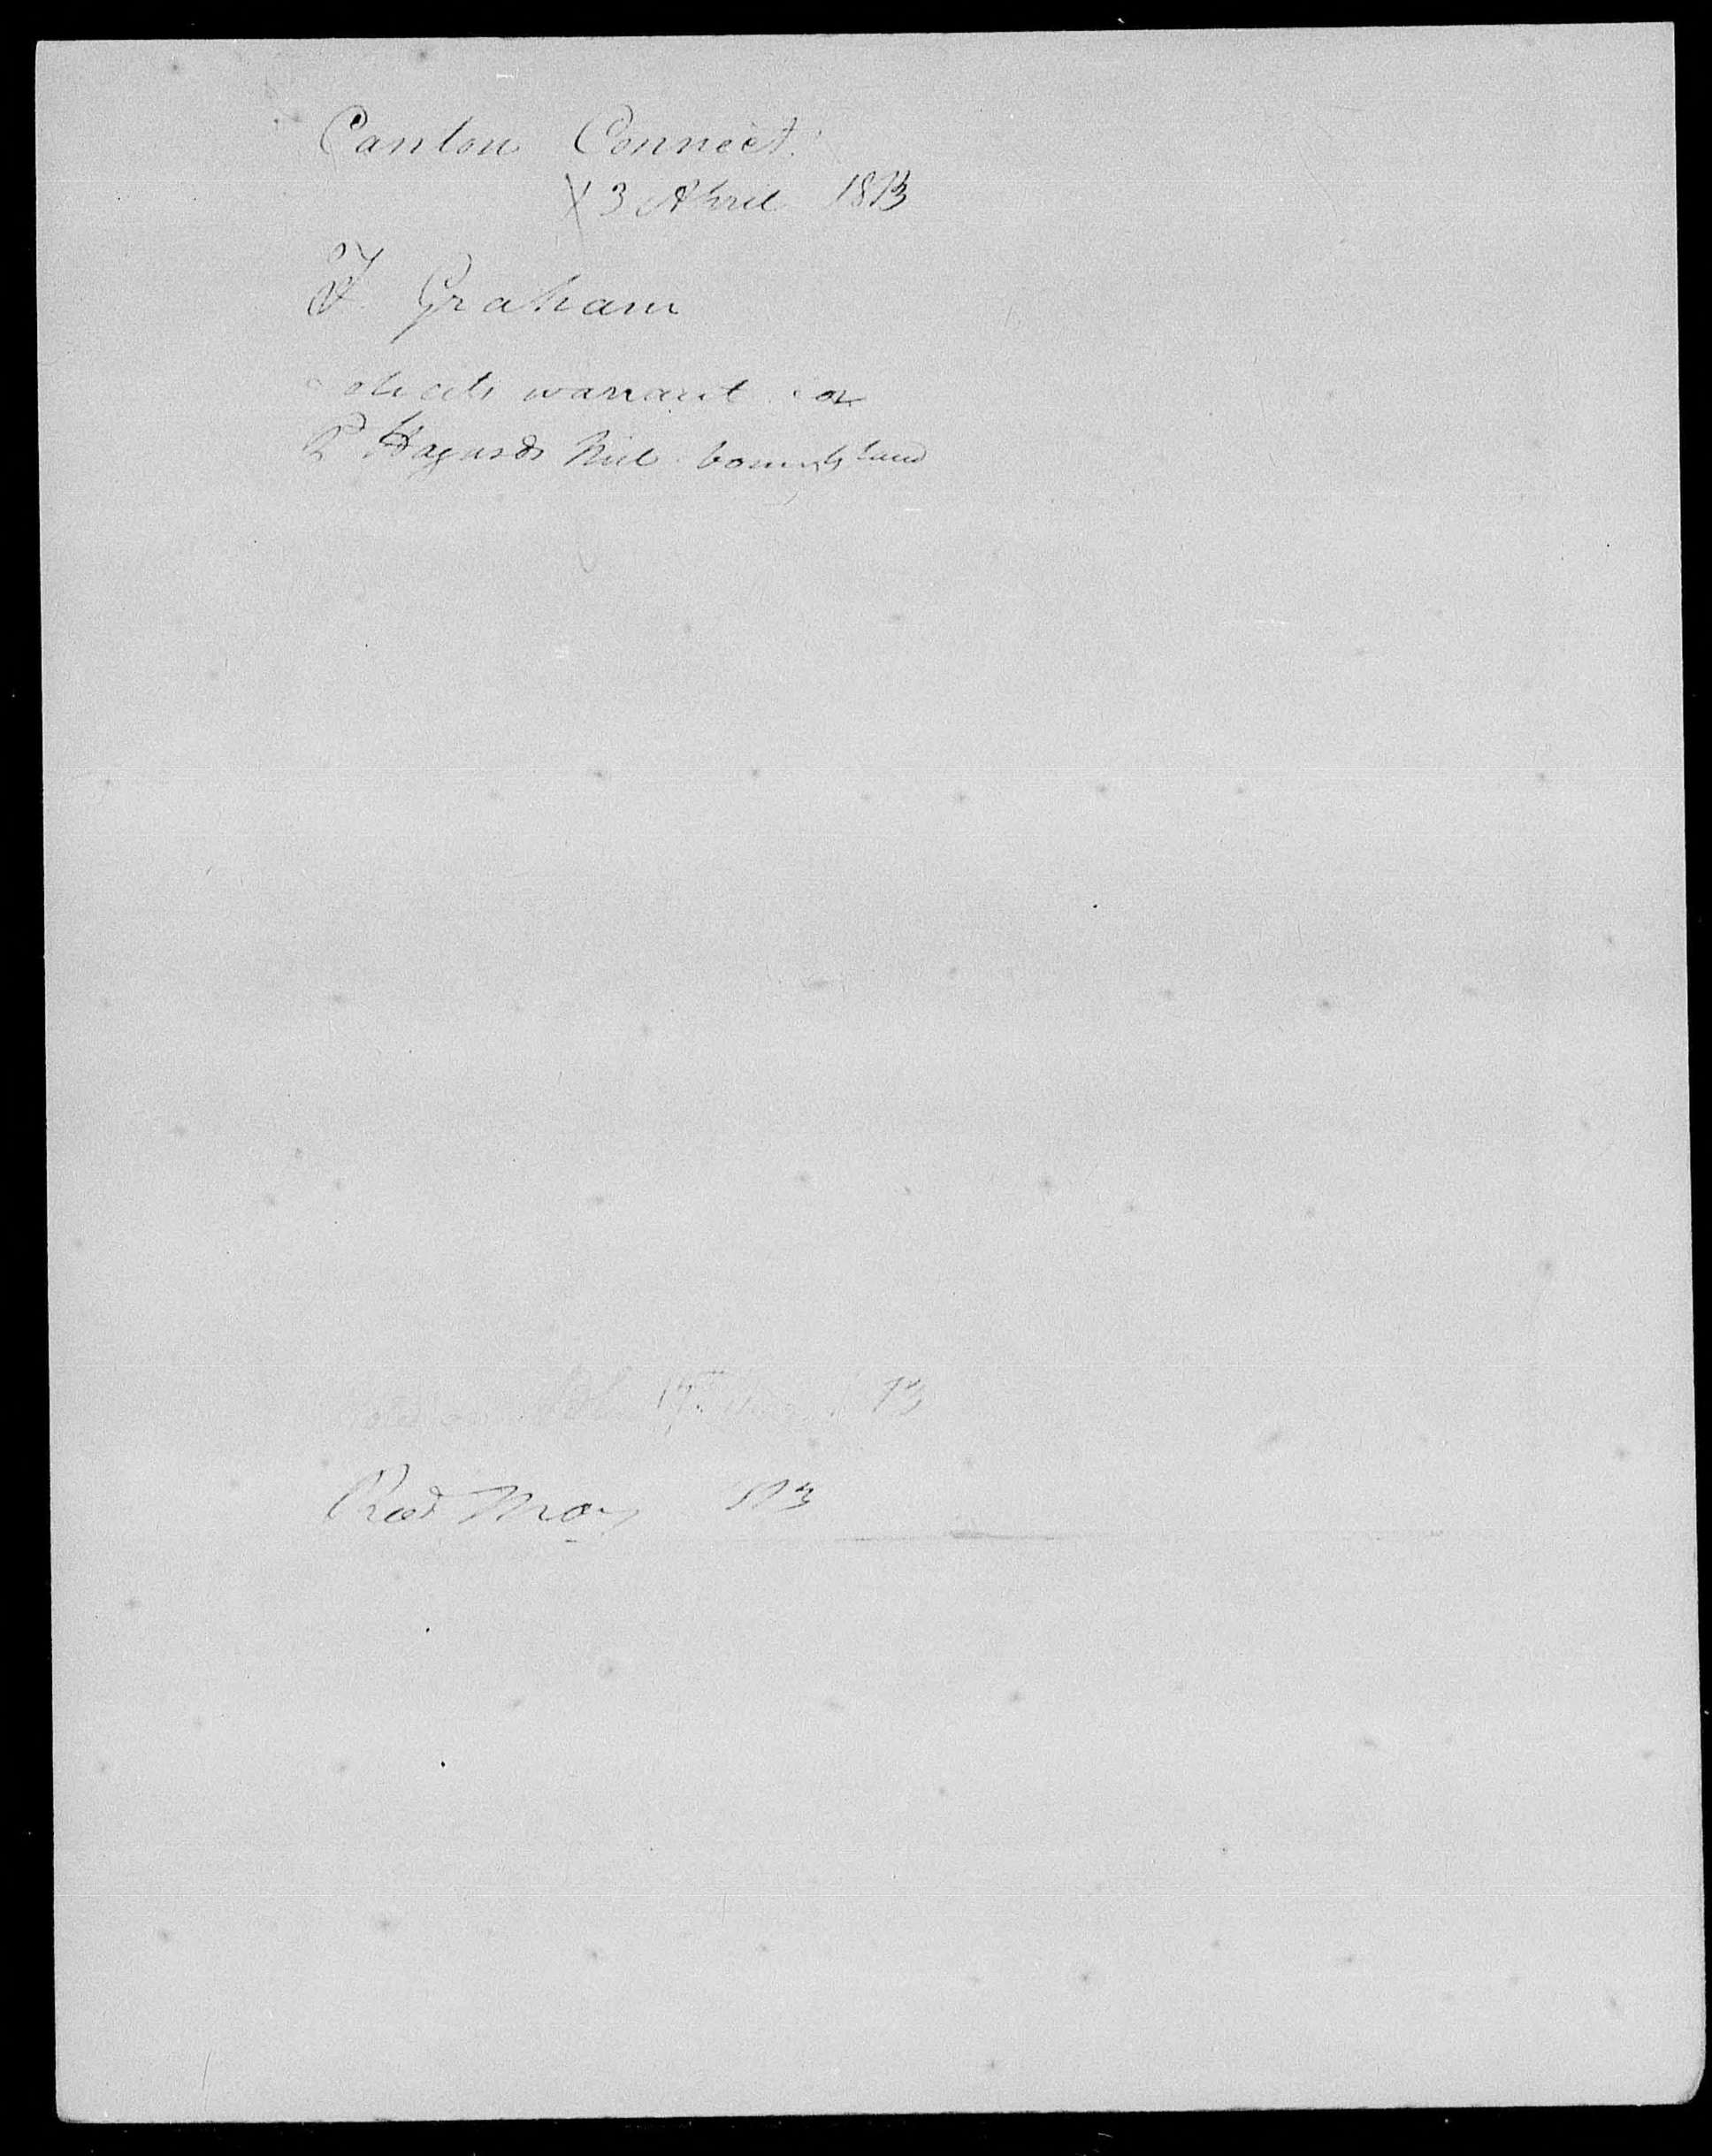Canton Connect
 13 April 18[7?]3
F Graham
[elicits] warrant for
P Hazards Mil bounty land
Recd May [?3]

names: P Hazard, F Graham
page: 7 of 7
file: Rej. B. L., Pharaoh Hazerd, R.I.